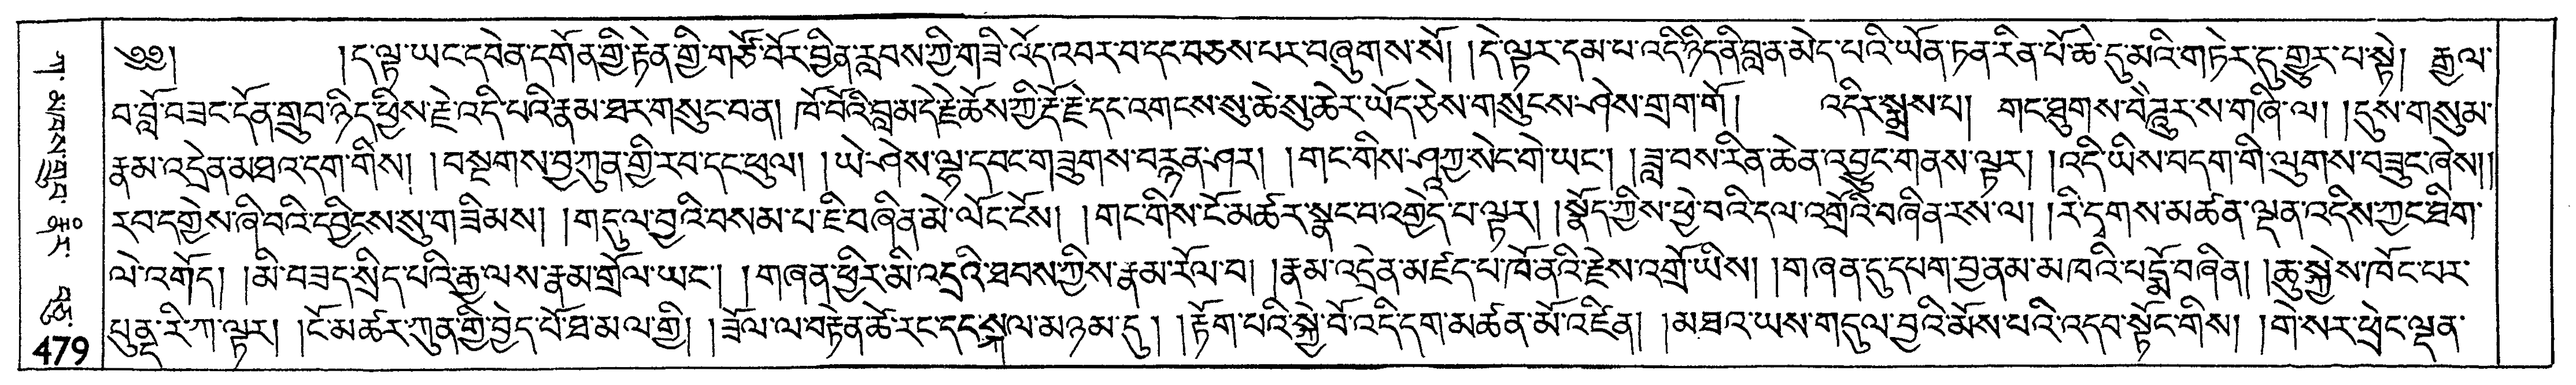༄༅། །ད་ལྟ་ཡང་དབེན་དགོན་གྱི་རྟེན་གྱི་གཙོ་བོར་བྱིན་རླབས་ཀྱི་གཟི་འོད་འབར་བ་དང་བཅས་པར་བཞུགས་སོ། །དེ་ལྟར་དམ་པ་འདི་ཉིད་ནི་བླ་ན་མེད་པའི་ཡོན་ཏན་རིན་པོ་ཆེ་དུ་མའི་གཏེར་དུ་གྱུར་པ་སྟེ། རྒྱལ་
བ་བློ་བཟང་དོན་གྲུབ་ཉིད་ཕྱིས་རྗེ་འདི་པའི་རྣམ་ཐར་གསུང་བ་ན། ཁོ་བོའི་བླ་མ་དེ་རྗེ་ཆོས་ཀྱི་རྡོ་རྗེ་དང་འགངས་སུ་ཆེ་སུ་ཆེར་ཡོད་ཅེས་གསུངས་ཤེས་གྲག་གོ །འདིར་སྨྲས་པ། གང་ཐུགས་བཻཌཱུར་ས་གཞི་ལ། །དུས་གསུམ་
རྣམ་འདྲེན་མཐའ་དག་གིས། །བསྔགས་བྱ་ཀུན་གྱི་རབ་དང་ཕུལ། །ཡེ་ཤེས་ལྷ་དབང་གཟུགས་བརྙན་ཤར། །གང་གིས་ཤཱཀྱ་སེང་གེ་ཡང་། །ཟླ་བས་རིན་ཆེན་འབྱུང་གནས་ལྟར། །འདི་ཡིས་བདག་གི་ལུགས་བཟུང་ཞེས། །
རབ་དགྱེས་ཞི་བའི་དབྱིངས་སུ་གཟིམས། །གདུལ་བྱའི་བསམ་པ་ཇི་བཞིན་མེ་ལོང་ངོས། །གང་གིས་ངོ་མཚར་སྣང་བ་འགྱེད་པ་ལྟར། །སྣོད་ཀྱིས་ཕྱེ་བའི་དལ་འགྲོའི་བཞིན་རས་ལ། །རི་དྭགས་མཚན་ལྡན་འདིས་ཀྱང་ཐིག་
ལེ་འགོད། །མི་བཟད་སྲིད་པའི་རྒྱ་ལས་རྣམ་གྲོལ་ཡང་། །གཞན་ཕྱིར་མི་འདྲའི་ཐབས་ཀྱིས་རྣམ་རོལ་བ། །རྣམ་འདྲེན་མཛད་པ་ཁོ་ནའི་རྗེས་འགྲོ་ཡིས། །གཞན་དུ་དཔག་བྱ་ནམ་མཁའི་པདམོ་བཞིན། །ཆུ་སྐྱེས་ཁོང་པར་
པུནྡ་རི་ཀ་ལྟར། །ངོ་མཚར་ཀུན་གྱི་བྱེད་པོ་ཐ་མལ་གྱི། །ཟོལ་ལ་བརྟེན་ཚེ་རང་དང་སྐལ་མཉམ་དུ། །རྟོག་པའི་སྐྱེ་བོ་འདི་དག་མཚན་མོ་འཛིན། །མཐའ་ཡས་གདུལ་བྱའི་མོས་པའི་འདབ་སྟོང་གིས། །གེ་སར་ཕྲེང་ལྡན་